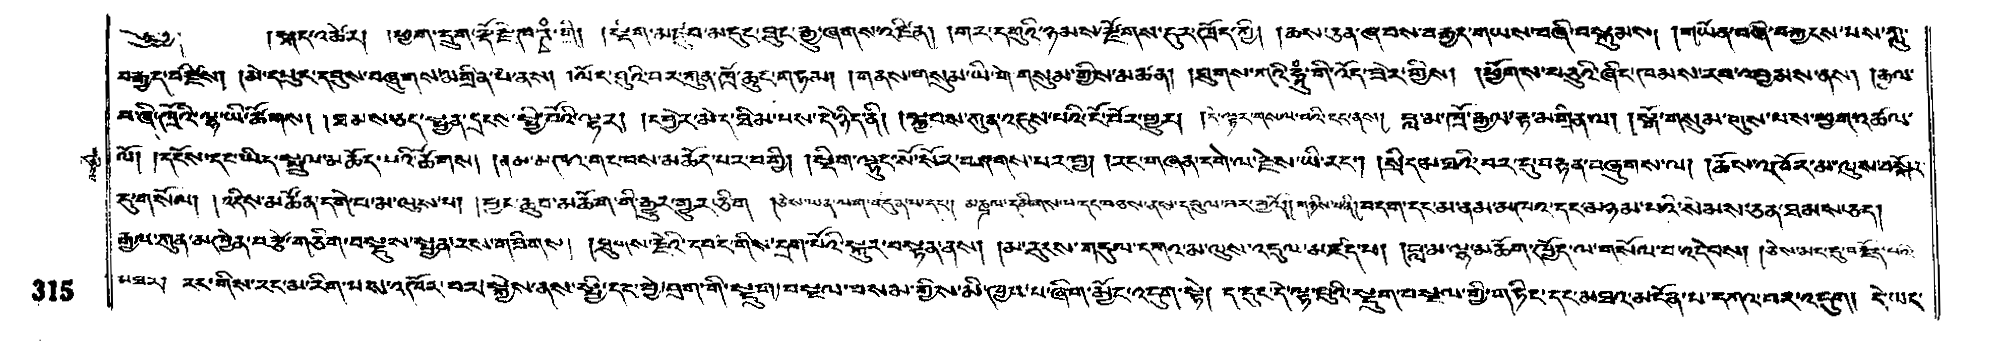༄༅༅། །སྐད་འཚེར། །ཕྱག་དྲུག་རྡོ་རྗེ་ཁ་ཌྭཾ་གྲི། །སྡིག་མཛུབ་མདུང་ཐུང་རྒྱུ་ཞགས་འཛིན། །གར་དགུའི་ཉམས་རྫོགས་དུར་ཁྲོད་ཀྱི། །ཆས་ཅན་ཞབས་བརྒྱད་གཡས་བཞི་བསྐུམས། །གཡོན་བཞི་བརྐྱངས་པས་ཀླུ་
བརྒྱད་བརྫིས། །མེ་དཔུང་དབུས་བཞུགས་མགྲིན་པ་ནས། །ལོང་བུའི་བར་ཀུན་ཁྲོ་ཆུང་གཏམ། །གནས་གསུམ་ཡི་གེ་གསུམ་གྱིས་མཚན། །ཐུགས་ཀའི་ཧཱུཾ་གི་འོད་ཟེར་གྱིས། །ཕྱོགས་བཅུའི་ཞིང་ཁམས་རབ་འབྱམས་ནས། །རྒྱལ་
བ་ཞི་ཁྲོའི་ལྷ་ཡི་ཚོགས། །ཐམས་ཅད་སྤྱན་དྲངས་སྤྱི་བོའི་ལྷར། །དབྱེར་མེད་ཐིམ་པས་དེ་ཉིད་ནི། །སྐྱབས་ཀུན་འདུས་པའི་ངོ་བོར་གྱུར། ། དེ་ལྟར་གསལ་བའི་ངང་ནས།  བླ་མ་ཁྲོ་རྒྱལ་རྟ་མགྲིན་ལ། །སྒོ་གསུམ་གུས་པས་ཕྱག་འཚལ་
ལོ། །དངོས་དང་ཡིད་སྤྲུལ་མཆོད་པའི་ཚོགས། །ནམ་མཁའ་གང་བས་མཆོད་པར་བགྱི། །སྡིག་ལྟུང་སོ་སོར་བཤགས་པར་བྱ། །རང་གཞན་དགེ་ལ་རྗེས་ཡི་རང་། །སྲིད་མཐའི་བར་དུ་བརྟན་བཞུགས་ལ། །ཆོས་འཁོར་མ་ལུས་བསྐོར་
དུ་གསོལ། །འདིས་མཚོན་དགེ་བ་མ་ལུས་པ། །བྱང་ཆུབ་མཆོག་གི་རྒྱུར་གྱུར་ཅིག ། ཅེས་ཡན་ལག་བདུན་པ་དང་། མཎྜལ་དམིགས་ལ་དང་བཅས་ནས་དབུལ་བར་བྱའོ།། གཉིས་པ་ནི།  བདག་དང་མ་ནམ་མཁའ་དང་མཉམ་པའི་སེམས་ཅན་ཐམས་ཅད།
རྒྱལ་ཀུན་མཁྱེན་བརྩེ་གཅིག་བསྡུས་སྤྱན་རས་གཟིགས། །ཐུགས་རྗེའི་དབང་གིས་དྲག་པོའི་སྐུར་བསྟན་ནས། །མ་རུངས་གདུལ་དཀའ་མ་ལུས་འདུལ་མཛད་པ། །བླ་མ་ལྷ་མཆོག་ཁྱོད་ལ་གསོལ་བ་འདེབས། །ཅེས་མང་དུ་བརྗོད་པའི་
མཐར། རང་གིས་རང་མ་རིག་པས་འཁོར་བར། སྐྱེས་ནས་སྤྱི་དང་བྱེ་བྲག་གི་སྡུག། བསྔལ་བསམ་གྱིས་མི་ཁྱབ་པ་ཞིག་མྱོང་འདུག་སྟེ། ད་དུང་དེ་ལྟ་བུའི་སྡུག་བསྔལ་གྱི་གཏིང་དང་མཐའ་མངོན་པ་དཀའ་བར་འདུག། དེ་ཡང་